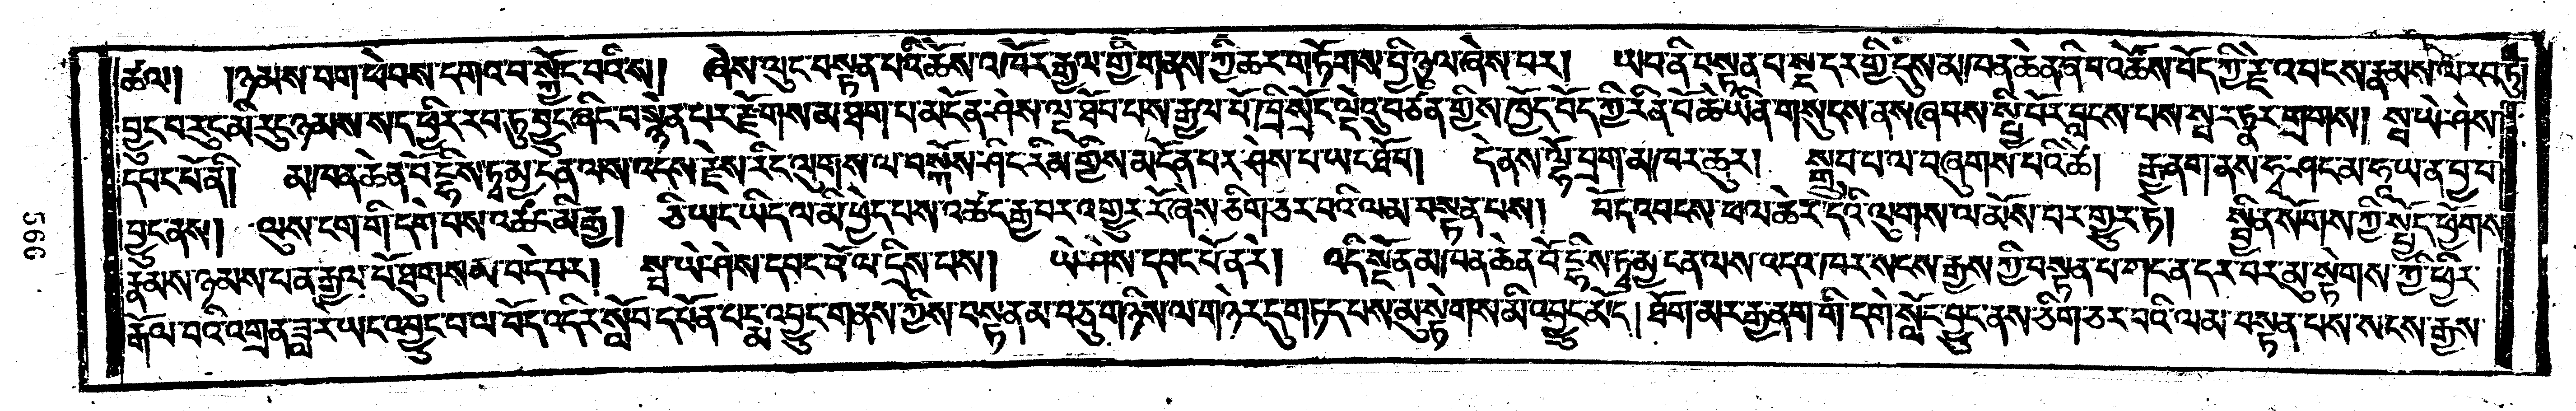ཚལ། །ཉམས་བག་ཕེབས་དགའ་བ་སྐྱོང་བའི་ས། ཞེས་ལུང་བསྟན་པའི་ཆོས་འཁོར་རྒྱལ་གྱི་གནས་ཀྱི་ཆར་གཏོགས་བྱི་ཉུལ་ཞེས་པར། ཡབ་ནི་བསྟན་པ་སྔ་དར་གྱི་དུས་མཁན་ཆེན་ཞི་བ་འཚོས་བོད་ཀྱི་རྗེ་འབངས་རྣམས་ལ་རབ་ཏུ།
བྱུང་བ་རུང་མི་རུང་ཉམས་སད་ཕྱིར་རབ་ཏུ་བྱུང་ཞིང་བསྙེན་པར་རྫོགས་མ་ཐག་པ་མངོན་ཤེས་ལྔ་ཐོབ་པས་རྒྱལ་པོ་ཁྲི་སྲོང་ལྡེའུ་བཙན་གྱིས་ཁྱོད་བོད་ཀྱི་རིན་པོ་ཆེ་ཡིན་གསུངས་ནས་ཞབས་སྤྱི་བོར་བླངས་པས་སྤ་རཏྣར་གྲགས། སྦ་ཡེ་ཤེས་
དབང་པོ་ནི། མཁན་ཆེན་བོདྷི་ས་ཏྭ་མྱ་ངན་ལས་འདས་རྗེས་རིང་ལུགས་ལ་བསྐོས་ཤིང་རིམ་གྱིས་མངོན་པར་ཤེས་པ་ཡང་ཐོབ། དེ་ནས་ལྷོ་བྲག་མཁར་ཆུར། སྒྲུབ་པ་ལ་བཞུགས་པའི་ཚེ། རྒྱ་ནག་ནས་ཧྭ་ཤང་མ་ཧཱ་ཡ་ན་བྱ་བ་
བྱུང་ནས། ལུས་ངག་གི་དགེ་བས་འཚང་མི་རྒྱ། ཅི་ཡང་ཡིད་ལ་མི་ཕྱེད་པས་འཚང་རྒྱ་བར་འགྱུར་རོ་ཞེས་ཅིག་ཅར་བའི་ལམ་བསྟན་པས། བོད་འབངས་ཕལ་ཆེར་དེའི་ལུགས་ལ་མོས་པར་གྱུར་ཏེ། སྦྱིན་སོགས་ཀྱི་སྤྱོད་ཕྱོགས་
རྣམས་ཉམས་པ་ན་རྒྱལ་པོ་ཐུགས་མ་བདེ་བར། སྤ་ཡེ་ཤེས་དབང་པོ་ལ་དྲིས་པས། ཡེ་ཤེས་དབང་པོ་ན་རེ། འདི་སྔོན་མཁན་ཆེན་བོ་དྷི་ས་ཏྭ་མྱ་ངན་ལས་འདའ་ཁར་སངས་རྒྱས་ཀྱི་བསྟན་པ་གང་ན་དར་བར་མུ་སྟེགས་ཀྱི་ཕྱིར་
རྒོལ་བའི་འགྲན་ཟླ་རེ་ཡང་འབྱུང་བ་ལ་བོད་འདིར་སློབ་དཔོན་པདམ་འབྱུང་གནས་ཀྱིས་བསྟན་མ་བཅུ་གཉིས་ལ་གཉེར་དུ་གཏད་པས་མུ་སྟེགས་མི་འབྱུང་མོད། ཐོག་མར་རྒྱ་ནག་གི་དགེ་སློང་བྱུང་ནས་ཅིག་ཅར་བའི་ལམ་བསྟན་པས་སངས་རྒྱས་